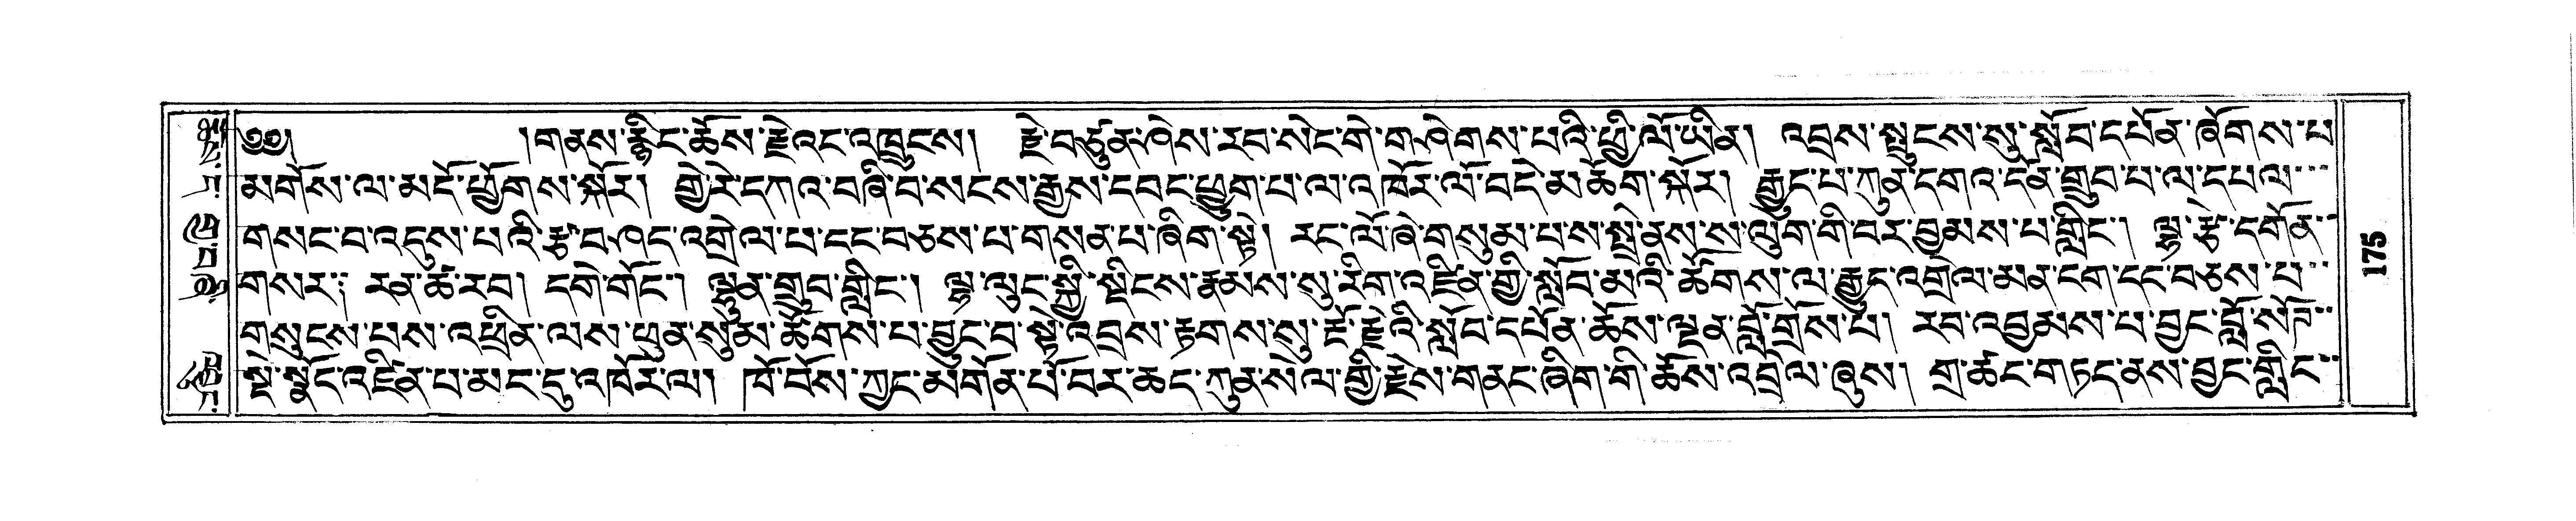༄༅། །གནས་རྙིང་ཆོས་རྗེའང་འཁྲུངས། རྗེ་བཙུན་ཤེས་རབ་སེང་གེ་གཤེགས་པའི་ཕྱི་ལོ་ཡིན། འབྲས་སྤུངས་སུ་སློབ་དཔོན་ཞོགས་པ་
མགོས་ལ་མདོ་ཕྱོགས་སྐོར། གྱེ་རེ་དཀའ་བཞི་བ་སངས་རྒྱས་དབང་ཕྱུག་པ་ལ་འཁོར་ལོ་བདེ་མཆོག་སྐོར། རྒྱུད་པ་ཀུན་དགའ་དོན་གྲུབ་པ་ལ་དཔལ་
གསང་བ་འདུས་པའི་རྩ་བཤད་འགྲེལ་པ་དང་བཅས་པ་གསན་པ་ཞིག་སྟེ། རང་ལོ་ཞེ་གསུམ་པ་ས་སྤྲེ་ནས་ས་ལུག་གི་བར་བྱམས་པ་གླིང་། ལྷ་རྩེ་དགོན་
གསར༑ རན་ཚ་རབ། དགེ་གོང་། ལྷུན་གྲུབ་གླིང་། ལྷ་ལུང་སྐྱི་སྡིངས་རྣམས་སུ་རིག་འཛིན་གྱི་སློབ་མའི་ཚོགས་ལ་རྒྱུད་འགྲེལ་མན་ངག་དང་བཅས་པ་
གསུངས་པས་འཕྲིན་ལས་ཕུན་སུམ་ཚོགས་པ་བྱུང་བ་སྟེ་འབྲས་རྟགས་སུ་རྡོ་རྗེའི་སློབ་དཔོན་ཆོས་ལྡན་བློ་གྲོས་པ། རབ་འབྱམས་པ་བྱང་བློ་སོཌ་
སྡེ་སྣོད་འཛིན་པ་མང་དུ་འཁོར་ལ། ཁོ་བོས་ཀྱང་མགོན་པོ་བར་ཆད་ཀུན་སེལ་གྱི་རྗེས་གནང་ཞིག་གི་ཆོས་འབྲེལ་ཞུས། གྲ་ཚང་གཏད་ནས་བྱང་གླིང་